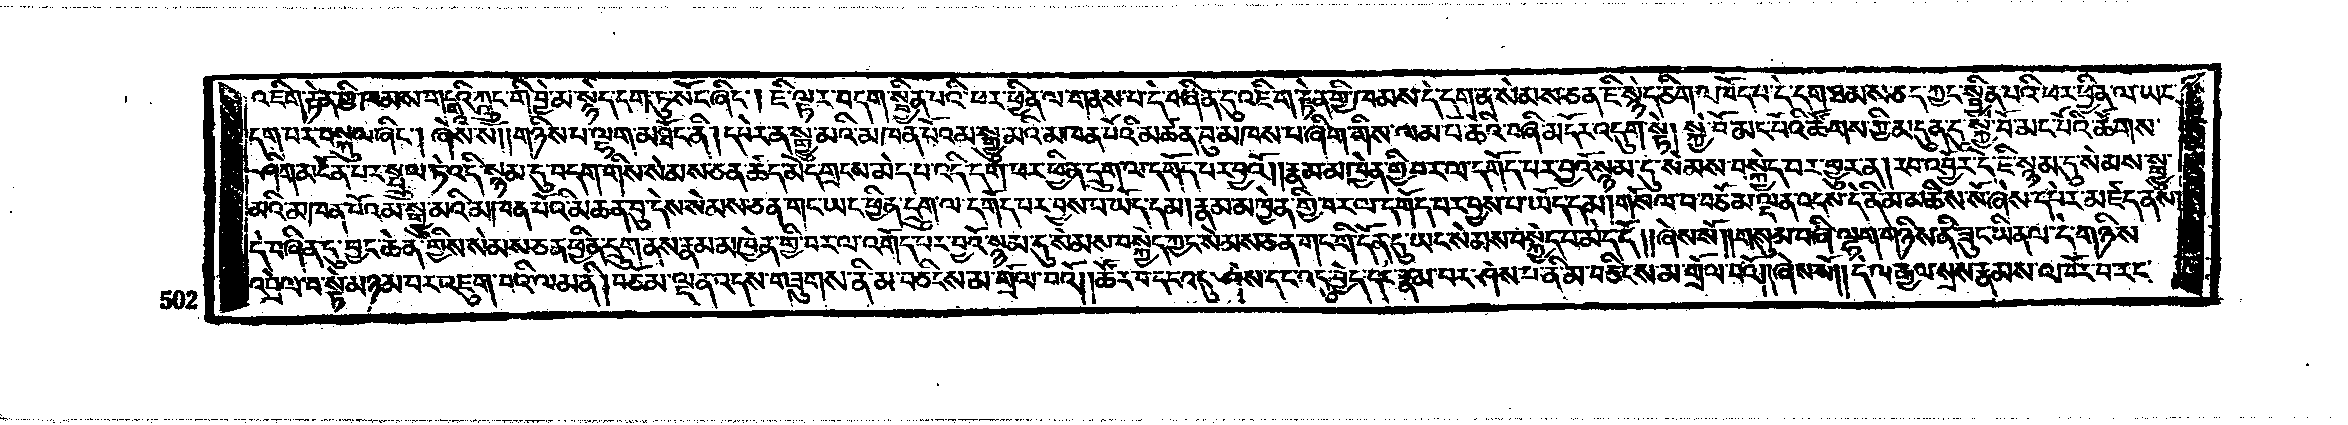འཇིག་རྟེན་གྱི་ཁམས་གངྒཱའི་ཀླུང་གི་བྱེ་མ་སྙེད་དག་ཏུ་སོང་ཞིང་། ཇི་ལྟར་བདག་སྦྱིན་པའི་ཕར་ཕྱིན་ལ་གནས་པ་དེ་བཞིན་དུ་འཇིག་རྟེན་གྱི་ཁམས་དེ་དག་ན་སེམས་ཅན་ཇི་སྙེད་ཅིག་འཁོད་པ་དེ་དག་ཐམས་ཅད་ཀྱང་སྦྱིན་པའི་ཕར་ཕྱིན་ལ་ཡང་
དག་པར་བསྐུལ་ཞིང་། ཞེས་སོ། །གཉིས་པ་ལྷག་མཐོང་ནི། དཔེར་ན་སྒྱུ་མའི་མཁན་པོའམ་སྒྱུ་མའི་མཁན་པོའི་མཚན་བུ་མཁས་པ་ཞིག་གིས་ལམ་པོ་ཆེའི་བཞི་མདོར་འདུག་སྟེ། སྐྱེ་བོ་མང་པོའི་ཚོགས་ཀྱི་མདུན་དུ་སྐྱེ་བོ་མང་པོའི་ཚོགས་
ཤིག་མངོན་པར་སྤྲུལ་ཏེ་འདི་སྙམ་དུ་བདག་གིས་སེམས་ཅན་ཚད་མེད་གྲངས་མེད་པ་འདི་དག་ཕར་ཕྱིན་དྲུག་ལ་དགོད་པར་བྱའོ། །རྣམ་མཁྱེན་གྱི་བར་ལ་དགོད་པར་བྱའོ་སྙམ་དུ་སེམས་བསྐྱེད་པར་གྱུར་ན། རབ་འབྱོར་དེ་ཇི་སྙམ་དུ་སེམས་སྒྱུ་
མའི་མཁན་པོའམ་སྒྱུ་མའི་མཁན་པོའི་མཆན་བུ་དེས་སེམས་ཅན་གང་ཡང་ཕྱིན་དྲུག་ལ་དགོད་པར་བྱས་པ་ཡོད་དམ། རྣམ་མཁྱེན་གྱི་བར་ལ་དགོད་པར་བྱས་པ་ཡོད་དམ། གསོལ་པ་བཅོམ་ལྡན་འདས་དེ་ནི་མ་མཆིས་སོ་ཞེས་དཔེར་མཛད་ནས་
དེ་བཞིན་དུ་བྱང་ཆེན་གྱིས་སེམས་ཅན་ཕྱིན་དྲུག་ནས་རྣམ་མཁྱེན་གྱི་བར་ལ་འགོད་པར་བྱའོ་སྙམ་དུ་སེམས་བསྐྱེད་ཀྱང་སེམས་ཅན་གང་གི་དོན་དུ་ཡང་སེམས་བསྐྱེད་པ་མེད་དོ། །ཞེས་སོ། །གསུམ་བཞི་ལྷག་གཉིས་ནི་ཟུང་ཡིན་ལ་དེ་གཉིས་
འབྲེལ་བ་སྟེ་མཉམ་པར་འཇུག་པའི་ལམ་ནི། བཅོམ་ལྡན་འདས་གཟུགས་ནི་མ་བཅིངས་མ་གྲོལ་བའོ། །ཚོར་བ་དང་འདུ་ཤེས་དང་འདུ་བྱེད་དང་རྣམ་པར་ཤེས་པ་ནི་མ་བཅིངས་མ་གྲོལ་བའོ། །ཞེས་སོ། །དེ་ལ་རྒྱལ་སྲས་རྣམས་འཁོར་བ་རང་